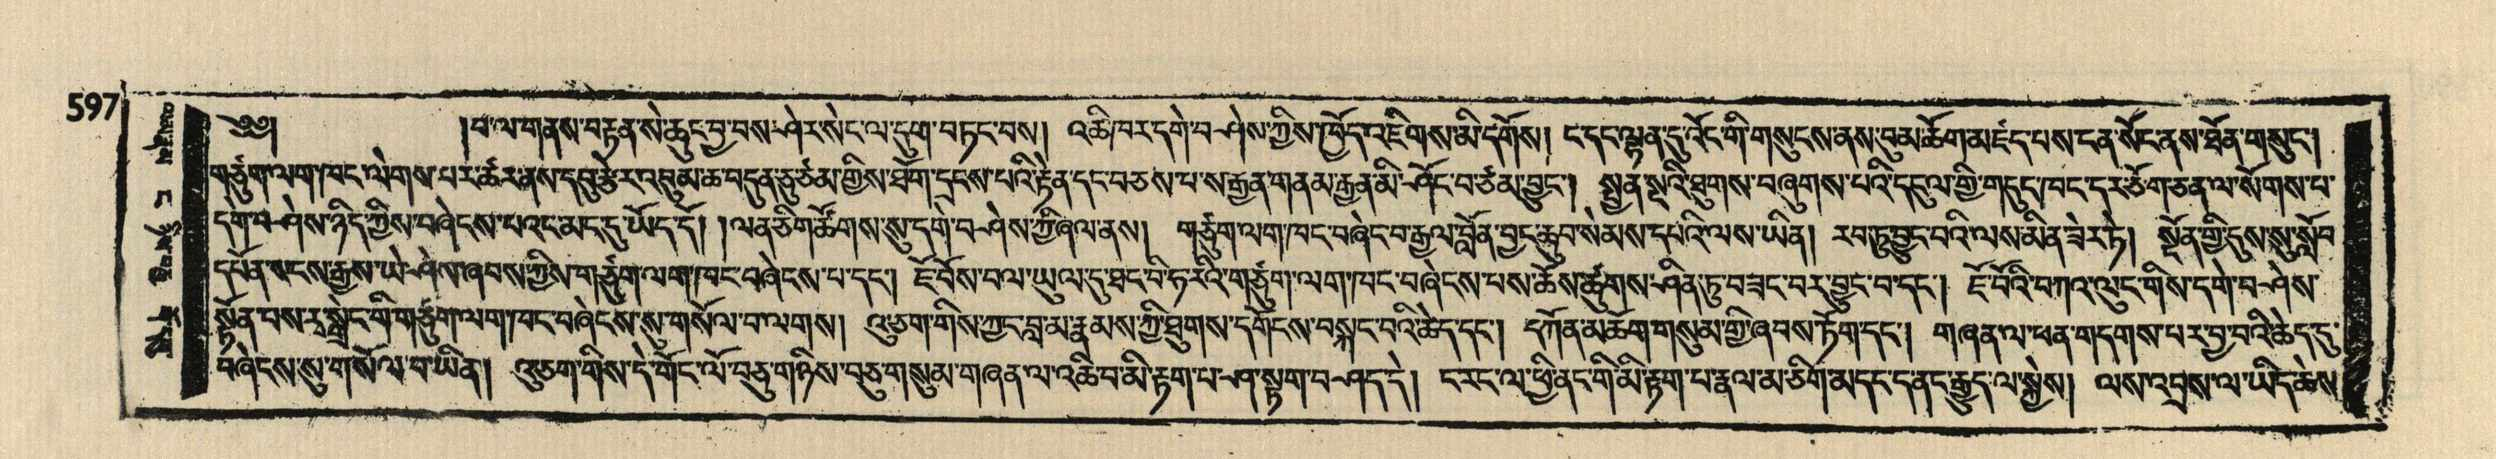༄༅། །བ་ལ་གནས་བརྟན་སེ་ཆུང་བྱ་བས་ཤེར་སེང་ལ་དུག་བཏང་བས། འཆི་ཁར་དགེ་བཤེས་ཀྱིས་ཁྱོད་འཇིགས་མི་དགོས། ང་དང་ལྷན་དུ་འོང་གི་གསུངས་ནས་བུམ་ཆོག་མཛད་པས་ངན་སོང་ནས་ཐོན་གསུང་།
གཙུག་ལག་ཁང་ལེགས་པར་ཚར་ནས་དབུ་རྩེར་འབུམ་ཆ་བདུན་ཅུ་ཙམ་གྱིས་ཐོག་དྲངས་པའི་རྟེན་དང་བཅས་པ་ས་རྒྱན་གནམ་རྒྱན་མི་ཤོང་བ་ཙམ་བྱུང་། སྤྱན་སྔའི་ཐུགས་བཞུགས་པའི་དངུལ་གྱི་གདུང་ཁང་དར་ཅོ་ག་ཅན་ལ་སོགས་པ་
དགེ་བཤེས་ཉིད་ཀྱིས་བཞེངས་པའང་མང་དུ་ཡོད་དོ། །ལན་ཅིག་ཚོགས་སུ་དགེ་བཤེས་ཀྱི་ཞལ་ནས། གཙུག་ལག་ཁང་བཞེང་བ་རྒྱལ་བློན་བྱང་ཆུབ་སེམས་དཔའི་ལས་ཡིན། རབ་ཏུ་བྱུང་བའི་ལས་མིན་ཟེར་ཏེ། སྔོན་གྱི་དུས་སུ་སློབ་
དཔོན་སངས་རྒྱས་ཡེ་ཤེས་ཞབས་ཀྱིས་གཙུག་ལག་ཁང་བཞེངས་པ་དང་། ཇོ་བོས་བལ་ཡུལ་དུ་ཐང་བི་ཧ་རའི་གཙུག་ལག་ཁང་བཞེངས་པས་ཆོས་ཚུགས་ཤིན་ཏུ་བཟང་བར་བྱུང་བ་དང་། ཇོ་བོའི་བཀའ་ལུང་གིས་དགེ་བཤེས་
སྟོན་བས་རྭ་སྒྲེང་གི་གཙུག་ལག་ཁང་བཞེངས་སུ་གསོལ་བ་ལགས། འུ་ཅག་གིས་ཀྱང་བླ་མ་རྣམས་ཀྱི་ཐུགས་དགོངས་བསྐང་བའི་ཆེད་དང་། དཀོན་མཆོག་གསུམ་གྱི་ཞབས་ཏོག་དང་། གཞན་ལ་ཕན་གདགས་པར་བྱ་བའི་ཆེད་དུ་
བཞེངས་སུ་གསོལ་བ་ཡིན། འུ་ཅག་གིས་དེ་གོང་ལོ་བཅུ་གཉིས་བཅུ་གསུམ་གཞན་ལ་འཆི་བ་མི་རྟག་པ་ཤ་སྟག་བཤད་དེ། ང་རང་ལ་ཕྱི་ནང་གི་མི་རྟག་པ་རྣལ་མ་ཅིག་མདང་ད་ནང་རྒྱུད་ལ་སྐྱེས། ལས་འབྲས་ལ་ཡིད་ཆེས་